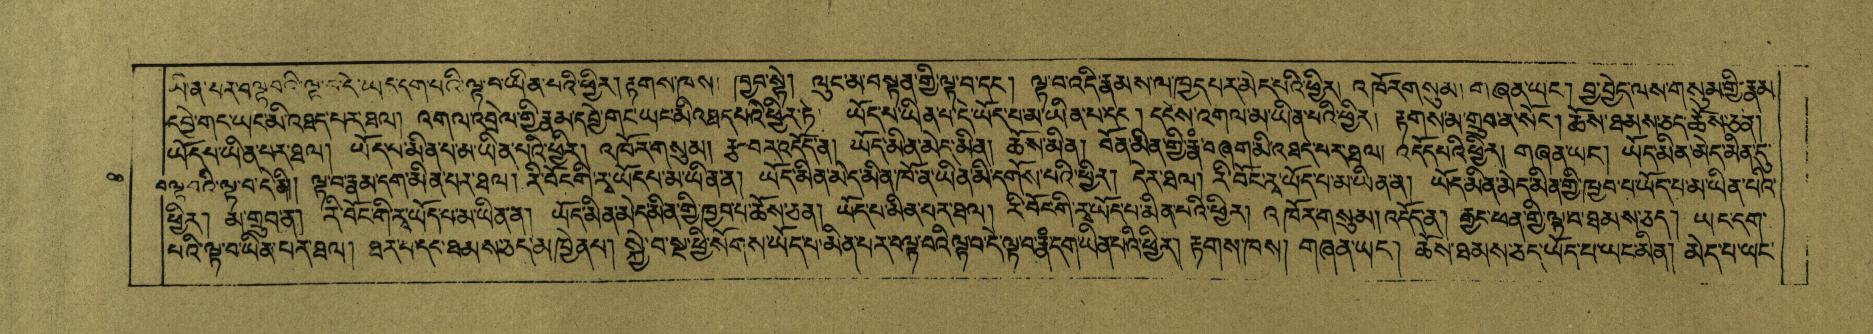ཡིན་པར་བལྟ་བའི་ལྟ་བ་དེ་ཡང་དག་པའི་ལྟ་བ་ཡིན་པའི་ཕྱིར། རྟགས་ཁས། ཁྱབ་སྟེ། ལུང་མ་བསྟན་གྱི་ལྟ་བ་དང་། ལྟ་བ་འདི་རྣམས་ལ་ཁྱད་པར་མེད་པའི་ཕྱིར། འཁོར་གསུམ། གཞན་ཡང་། བྱ་བྱེད་ལས་གསུམ་གྱི་རྣམ་
དབྱེ་གང་ཡང་མི་འཐད་པར་ཐལ། འགལ་འབྲེལ་གྱི་རྣམ་དབྱེ་གང་ཡང་མི་འཐད་པའི་ཕྱིར་ཏེ། ཡོད་པ་ཡིན་པ་དེ་ཡོད་པ་མ་ཡིན་པ་དང་། དངོས་འགལ་མ་ཡིན་པའི་ཕྱིར། རྟགས་མ་གྲུབ་ན་སོང་། ཆོས་ཐམས་ཅད་ཆོས་ཅན།
ཡོང་པ་ཡིན་པར་ཐལ། ཡོད་པ་མིན་པ་མ་ཡིན་པའི་ཕྱིར། འཁོར་གསུམ། རྩ་བར་འདོད་ན། ཡོད་མིན་མེད་མིན། ཆོས་མིན། བོན་མིན་གྱི་རྣཾ་བཞག་མི་འཐད་པར་ཐལ། འདོད་པའི་ཕྱིར། གཞན་ཡང་། ཡོད་མིན་མེད་མིན་དུ་
བལྟ་བའི་ལྟ་བ་དེ་ནི། ལྟ་བ་རྣམ་དག་མིན་པར་ཐལ། རི་བོང་གི་རྭ་ཡོད་པ་མ་ཡིན་ན། ཡོད་མིན་མེད་མིན་ཁོ་ན་ཡིན་མི་དགོས་པའི་ཕྱིར། དེར་ཐལ། རི་བོང་རྭ་ཡོད་པ་མ་ཡིན་ན། ཡོད་མིན་མེད་མིན་གྱི་ཁྱབ་པ་ཡོད་པ་མ་ཡིན་པའི་
ཕྱིར། མ་གྲུབ་ན། རི་བོང་གི་རྭ་ཡོད་པ་མ་ཡིན་ན། ཡོང་མིན་མེད་མིན་གྱི་ཁྱབ་པ་ཆོས་ཅན། ཡོད་པ་མིན་པར་ཐལ། རི་བོང་གི་རྭ་ཡོད་པ་མིན་པའི་ཕྱིར། འཁོར་གསུམ། འདོད་ན། རྒྱང་ཕན་གྱི་ལྟ་བ་ཐམས་ཅད། ཡང་དག་
པའི་ལྟ་བ་ཡིན་པར་ཐལ། ཐར་པ་དང་ཐམས་ཅད་མཁྱེན་པ། སྐྱེ་བ་སྔ་ཕྱི་སོགས་ཡོད་པ་མིན་པར་བལྟ་བའི་ལྟ་བ་དེ་ལྟ་བ་རྣཾ་དག་ཡིན་པའི་ཕྱིར། རྟགས་ཁས། གཞན་ཡང་། ཆོས་ཐམས་ཅད་ཡོད་པ་ཡང་མིན། མེད་པ་ཡང་